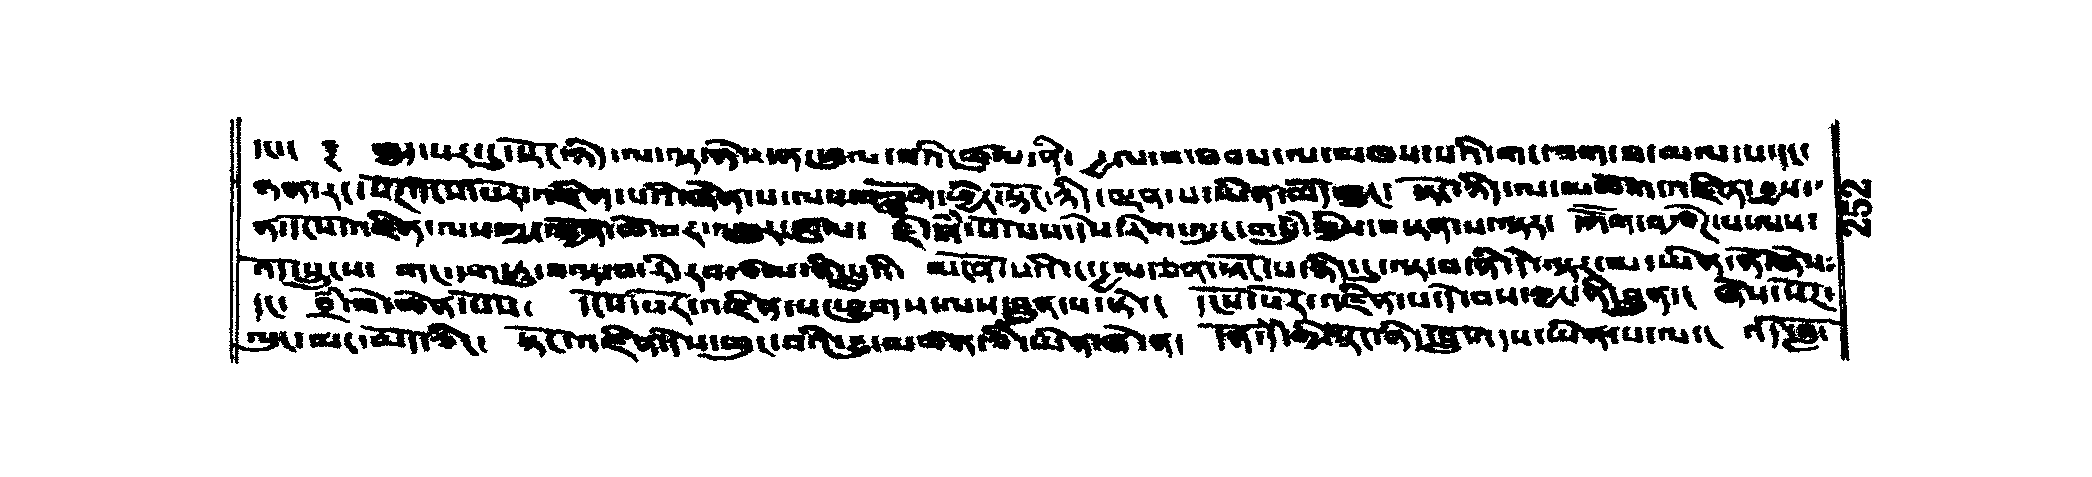དང་། ༈ ཁྱད་པར་དུ་སྟོང་ཉིད་ལ་ལྟ་ཉེས་ན་ཕུང་བའི་ཚུལ་ནི། རྒྱལ་བ་ཐབས་ལ་མཁས་པའི་གང་ཟག་ཐ་མལ་པ་དང་། 
ཉན་རང་སོགས་དངོས་པོར་འཛིན་པའི་ཞེན་པ་ལས་བཟློག་ཕྱིར་སྟོང་ཉིད་བསྟན་པ་ཡིན་མོད་ཀྱང་། སྟོང་ཉིད་ལ་མཆོག་འཛིན་བྱས་
ན་དངོས་འཛིན་ལས་ཀྱང་སྐྱོན་ཆེ་བར་འགྱུར་ཚུལ། རྗེ་སྒམ་པོ་པས། དཔེ་རིགས་ལུང་གསུམ་གྱིས་བསྟན་པ་ལྟར། དཀོན་མཆོག་བརྩེགས་པ་ལས་
འོད་སྲུངས། གང་བདག་ཏུ་བལྟ་བ་རི་རབ་ཙམ་ནི་སླ་ཡི་མངོན་པའི་ང་རྒྱལ་ཅན་སྟོང་པ་ཉིད་དུ་ལྟ་བ་ནི་དེ་ལྟར་མ་ཡིན་ནོ་ཞེས་
དང་། བྲམ་ཟེ་ཆེན་པོས། དངོས་པོར་འཛིན་པ་ཕྱུགས་ལས་བླུན་པ་སྟེ། །སྟོང་པར་འཛིན་པ་དེ་བས་ཀྱང་ནི་བླུན། ཞེས་སོགས་
ལུང་མང་མོད་ཅིང་། སྟོང་འཛིན་དེས་ཕུང་བའི་རྒྱུ་མཚན་ཅི་ཡིན་ཞེ་ན། དོན་དམ་གྱི་སྟོང་ཉིད་བློ་འདས་ཡིན་པ་ལ། འདི་བློས་